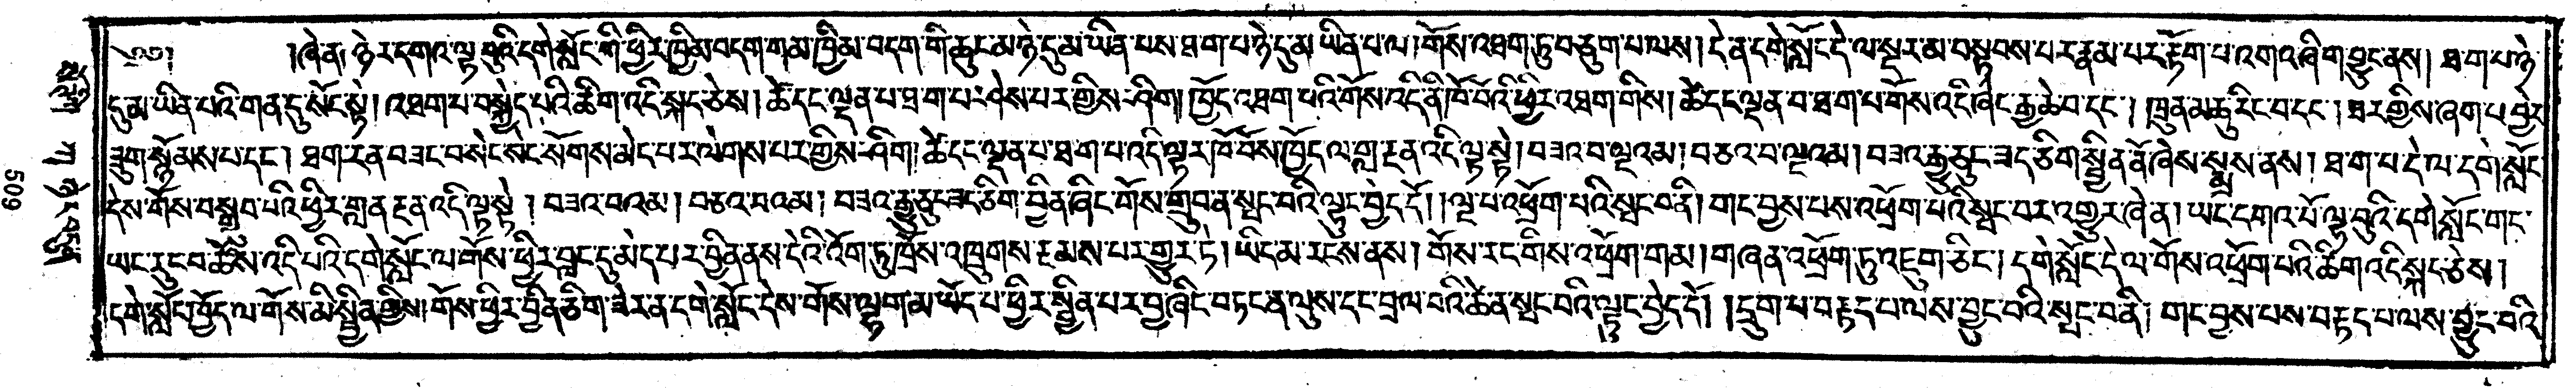༄༅། །ཞེ་ན༑ ཉེར་དགའ་ལྟ་བུའི་དགེ་སློང་གི་ཕྱིར་ཁྱིམ་བདག་གམ་ཁྱིམ་བདག་གི་ཆུང་མ་ཉེ་དུ་མ་ཡིན་པས་ཐག་པ་ཉེ་དུ་མ་ཡིན་པ་ལ། གོས་འཐག་ཏུ་བཅུག་པ་ལས། དེ་ན་དགེ་སློང་དེ་ལ་སྔར་མ་བསྟབས་པར་རྣམ་པར་རྟོག་པ་འགའ་ཞིག་བྱུང་ནས། ཐག་པ་ཉེ་
དུ་མ་ཡིན་པའི་གན་དུ་སོང་སྟེ། འཐག་པ་བསྐྱེད་པའི་ཚིག་འདི་སྐད་ཅེས། ཚེ་དང་ལྡན་པ་ཐ་ག་པ་ཤེས་པར་གྱིས་ཤིག། ཁྱོད་འཐག་པའི་གོས་འདི་ནི་ཁོ་བོའི་ཕྱིར་འཐག་གིས། ཚེ་དང་ལྡན་པ་ཐ་ག་པ་གོས་འདི་ཞིང་རྒྱ་ཆེ་བ་དང་། ཁྲུན་མཆུ་རིང་བ་དང་། ཐར་གྱིས་ཞག་པ་བྱེར་
ཟུག་སྙོམས་པ་དང་། ཐག་རན་བཟང་བ་སེང་སེང་སོགས་མེད་པར་ལེགས་པར་གྱིས་ཤིག། ཚེ་དང་ལྡན་པ་ཐ་ག་པ་འདི་ལྟར་ཁོ་བོས་ཁྱོད་ལ་གླ་རྔན་འདི་ལྟ་སྟེ། བཟའ་བ་ལྔའམ། བཅའ་བ་ལྔའམ། བཟའ་རྒྱུ་ཅུང་ཟད་ཅིག་སྦྱིན་ནོ་ཞེས་སྨྲས་ནས། ཐ་ག་པ་དེ་ལ་དགེ་སློང་
དེས་གོས་བསྒྲུབ་པའི་ཕྱིར་གླན་རྔན་འདི་ལྟ་སྟེ་།བཟའ་བའམ། བཅའ་བའམ། བཟའ་རྒྱུ་ཅུང་ཟད་ཅིག་བྱིན་ཞིང་གོས་གྲུབ་ན་སྤང་བའི་ལྟུང་བྱེད་དོ། །ལྔ་པ་འཕྲོག་པའི་སྤང་བ་ནི། གང་བྱས་པས་འཕྲོག་པའི་སྤང་བར་འགྱུར་ཞེ་ན། ཡང་དགའ་པོ་ལྟ་བུའི་དགེ་སློང་གང་
ཡང་རུང་བ་ཚོས་འདི་པའི་དགེ་སློང་ལ་གོས་ཕྱིར་བླང་དུ་མེད་པར་བྱིན་ནས་དེའི་འོག་ཏུ་ཁྲོས་འཁྲུགས་རྔམས་པར་གྱུར་ཏེ། ཡིད་མ་རངས་ནས། གོས་རང་གིས་འཕྲོག་གམ། གཞན་འཕྲོག་ཏུ་འཇུག་ཅིང་། དགེ་སློང་དེ་ལ་གོས་འཕྲོག་པའི་ཚིག་འདི་སྐད་ཅེས།
དགེ་སློང་ཁྱོད་ལ་གོས་མི་སྦྱིན་གྱིས། གོས་ཕྱིར་བྱིན་ཅིག་ཟེར་ན་དགེ་སློང་དེས་གོས་ལྷག་མ་ཡོད་པ་ཕྱིར་སྦྱིན་པར་བྱ་ཞིང་བཏང་ན་ལུས་དང་བྲལ་བའི་ཚེ་ན་སྤང་བའི་ལྟུང་བྱེད་དོ། །དྲུག་པ་བརྟད་པ་ལས་བྱུང་བའི་སྤང་བ་ནི། གང་བྱས་པས་བརྟད་པ་ལས་བྱུང་བའི་